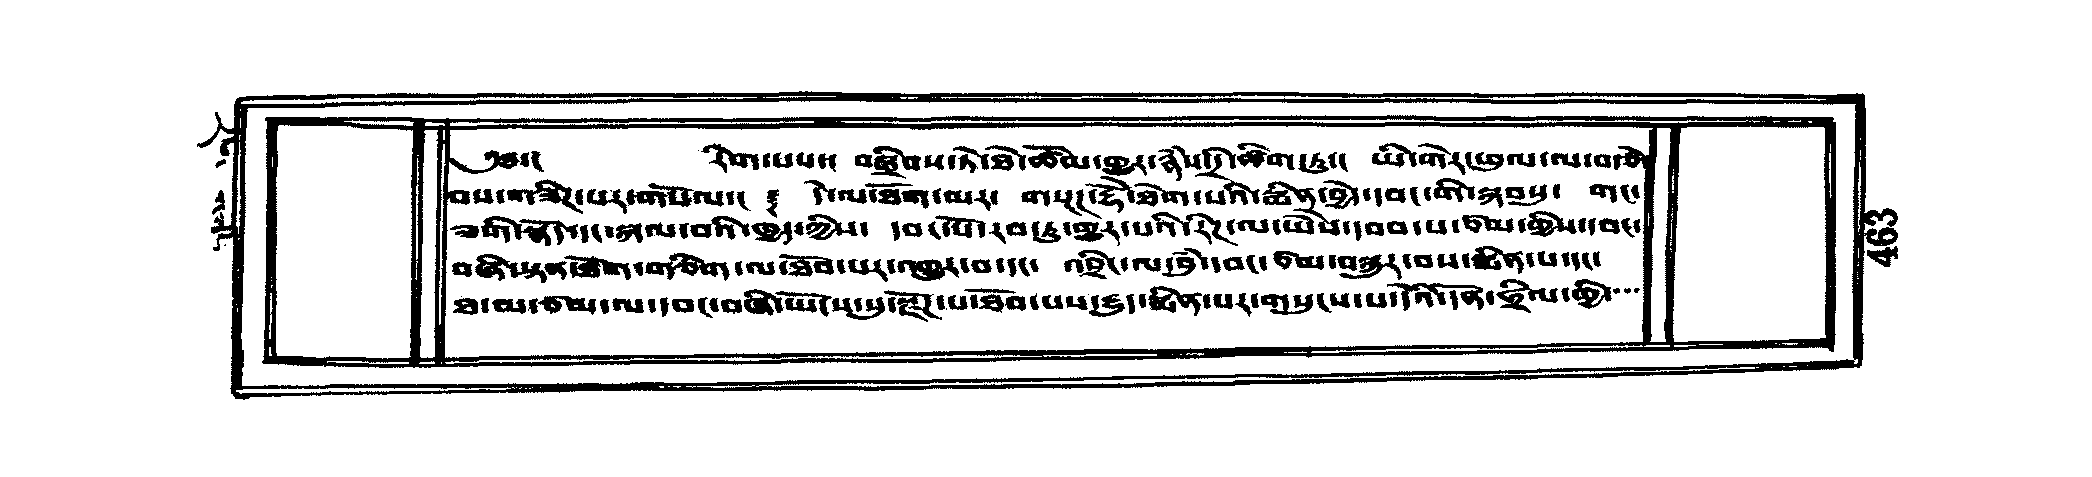རིག་པས། །བསྒྲིབས་ཏེ་ཐེ་ཚོམ་གྱུར་རྣམས་དྲི་ཚིག་ཏུ། །ཡི་གེར་ཕུལ་ལ་བརྩོན་
བས་གཟིགས་པར་གསོལ། ༈ དེ་ལ་ཐོག་མར། གསང་སྔགས་རྡོ་རྗེ་ཐེག་པའི་སྨིན་བྱེད་དབང་གི་སྐབས་སུ། གང་
ཟག་གི་སྣོད་དང་སྐལ་བའི་ཁྱད་ཀྱིས། དབང་པོ་རབ་ཏུ་གྱུར་པའི་རིགས་ལ་ཡེ་ཤེས་དབབ་པ་ཙམ་གྱིས་དབང་
བཞི་སྟན་ཐོག་གཅིག་ལ་ཐོབ་པར་འགྱུར་བ་དང་། འབྲིང་ལ་བུམ་དབང་ཙམ་བསྐུར་བས་སྨིན་པ་དང་། 
ཐ་མ་ཙམ་ལ་དབང་བཞི་ཡོངས་སུ་རྫོགས་པ་ཐོབ་པས་རྒྱུད་སྨིན་པར་གསུངས་པ་དེའི་དོན་ཧྲིལ་གྱི་